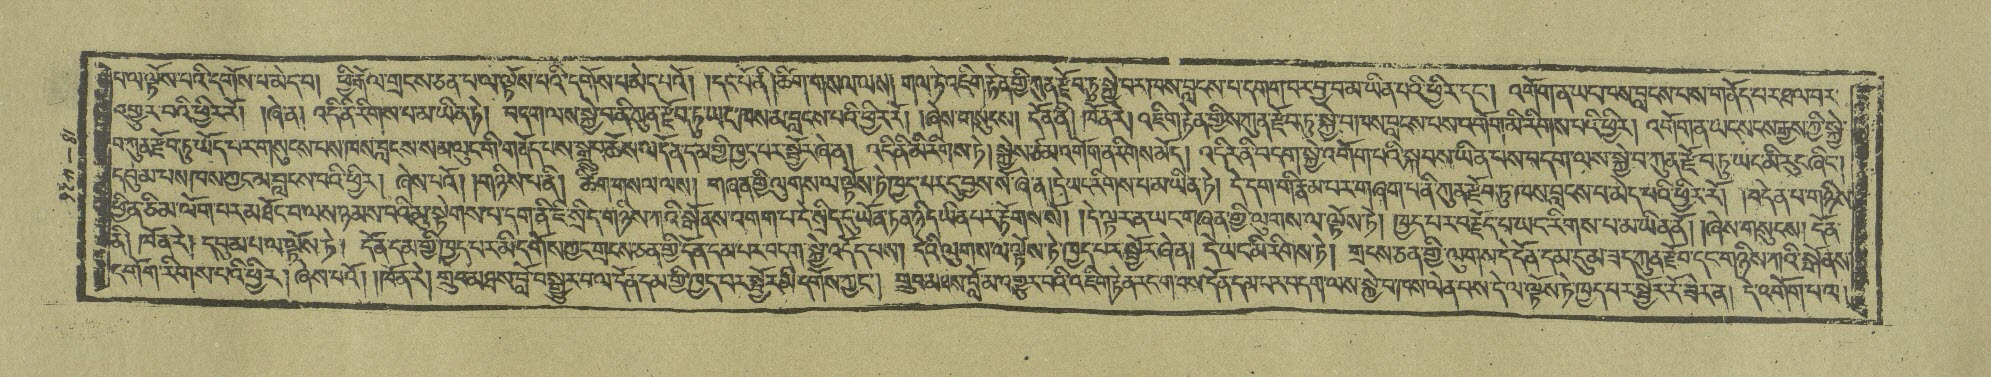པ་ལ་ལྟོས་པའི་དགོས་པ་མེད་པ། ཕྱི་རྒོལ་གྲངས་ཅན་པ་ལ་ལྟོས་པའི་དགོས་པ་མེད་པའོ། །དང་པོ་ནི། ཚིག་གསལ་ལས། གལ་ཏེ་འཇིག་རྟེན་གྱི་ཀུན་རྫོབ་ཏུ་སྐྱེ་བར་ཁས་བླངས་པ་དགག་པར་བྱ་བ་མ་ཡིན་པའི་ཕྱིར་དང་། འགོག་ན་ཡང་ཁས་བླངས་པས་གནོད་པར་ཐལ་བར་
འགྱུར་བའི་ཕྱིར་རོ། །ཞེ་ན། འདི་ནི་རིགས་པ་མ་ཡིན་ཏེ། བདག་ལས་སྐྱེ་བ་ནི་ཀུན་རྫོབ་ཏུ་ཡང་ཁས་མ་བླངས་པའི་ཕྱིར་རོ། །ཞེས་གསུངས། དོན་ནི། ཁོ་ན་རེ། འཇིག་རྟེན་གྱིས་ཀུན་རྫོབ་ཏུ་སྐྱེ་བ་ཁས་བླངས་པས་འགོག་མི་རིགས་པའི་ཕྱིར། འགོག་ན་ཡང་སངས་རྒྱས་ཀྱི་སྐྱེ་
བ་ཀུན་རྫོབ་ཏུ་ཡོད་པར་གསུངས་པས་ཁས་བླངས་སམ་ལུང་གི་གནོད་པས་སྒྲུབ་ཆོས་ལ་དོན་དམ་གྱི་ཁྱད་པར་སྦྱོར་ཞེ་ན། འདི་ནི་མི་རིགས་ཏེ། སྐྱེས་ཙམ་འགོག་ན་རིགས་མོད། འདིར་ནི་བདག་སྐྱེ་འགོག་པའི་སྐབས་ཡིན་པས་བདག་ལས་སྐྱེ་བ་ཀུན་རྫོབ་ཏུ་ཡང་མི་རུང་ཞིང་།
དབུ་མ་པས་ཁས་ཀྱང་མ་བླངས་པའི་ཕྱིར། ཞེས་པའོ། །གཉིས་པ་ནི། ཚིག་གསལ་ལས། གཞན་གྱི་ལུགས་ལ་ལྟོས་ཏེ། ཁྱད་པར་དུ་བྱས་སོ་ཞེ་ན། དེ་ཡང་རིགས་པ་མ་ཡིན་ཏེ། དེ་དག་གི་རྣམ་པར་གཞག་པ་ནི་ཀུན་རྫོབ་ཏུ་ཁས་བླངས་པ་མེད་པའི་ཕྱིར་རོ། །བདེན་པ་གཉིས་
ཕྱིན་ཅི་མ་ལོག་པར་མཐོང་བ་ལས་ཉམས་པའི་མུ་སྟེགས་པ་དག་ནི་ཇི་སྲིད་གཉིས་ཀའི་སྒོ་ནས་འགག་པ་དེ་སྲིད་དུ་ཡོན་ཏན་ཉིད་ཡིན་པར་རྟོགས་སོ། །དེ་ལྟར་ན་ཡང་གཞན་གྱི་ལུགས་ལ་ལྟོས་ཏེ། ཁྱད་པར་བརྗོད་པ་ཡང་རིགས་པ་མ་ཡིན་ནོ། །ཞེས་གསུངས། དོན་ནི། ཁོ་ན་རེ། དབུ་མ་པ་ལ་ལྟོས་ཏེ། དོན་དམ་གྱི་ཁྱད་པར་མི་དགོས་ཀྱང་གྲངས་ཅན་གྱི་དོན་དམ་པར་བདག་སྐྱེ་འདོད་པས། དེའི་ལུགས་ལ་ལྟོས་ཏེ་ཁྱད་པར་སྦྱོར་ཞེ་ན། དེ་ཡང་མི་རིགས་ཏེ། གྲངས་ཅན་གྱི་ལུགས་དེ་དོན་དམ་དུ་མ་ཟད་ཀུན་རྫོབ་དང་གཉིས་ཀའི་སྒོ་ནས་
འགོག་རིགས་པའི་ཕྱིར། ཞེས་པའོ། །ཁོ་ན་རེ། གྲུབ་མཐས་བློ་བསྒྱུར་བ་ལ་དོན་དམ་གྱི་ཁྱད་པར་སྦྱོར་མི་དགོས་ཀྱང་། གྲུབ་མཐས་བློ་མ་འགྱུར་བའི་འཇིག་རྟེན་རང་ག་བས་དོན་དམ་པར་བདག་ལས་སྐྱེ་བ་ཁས་ལེན་པས་དེ་ལ་ལྟོས་ཏེ་ཁྱད་པར་སྦྱོར་རོ་ཟེར་ན། དེ་འགོག་པ་ལ།